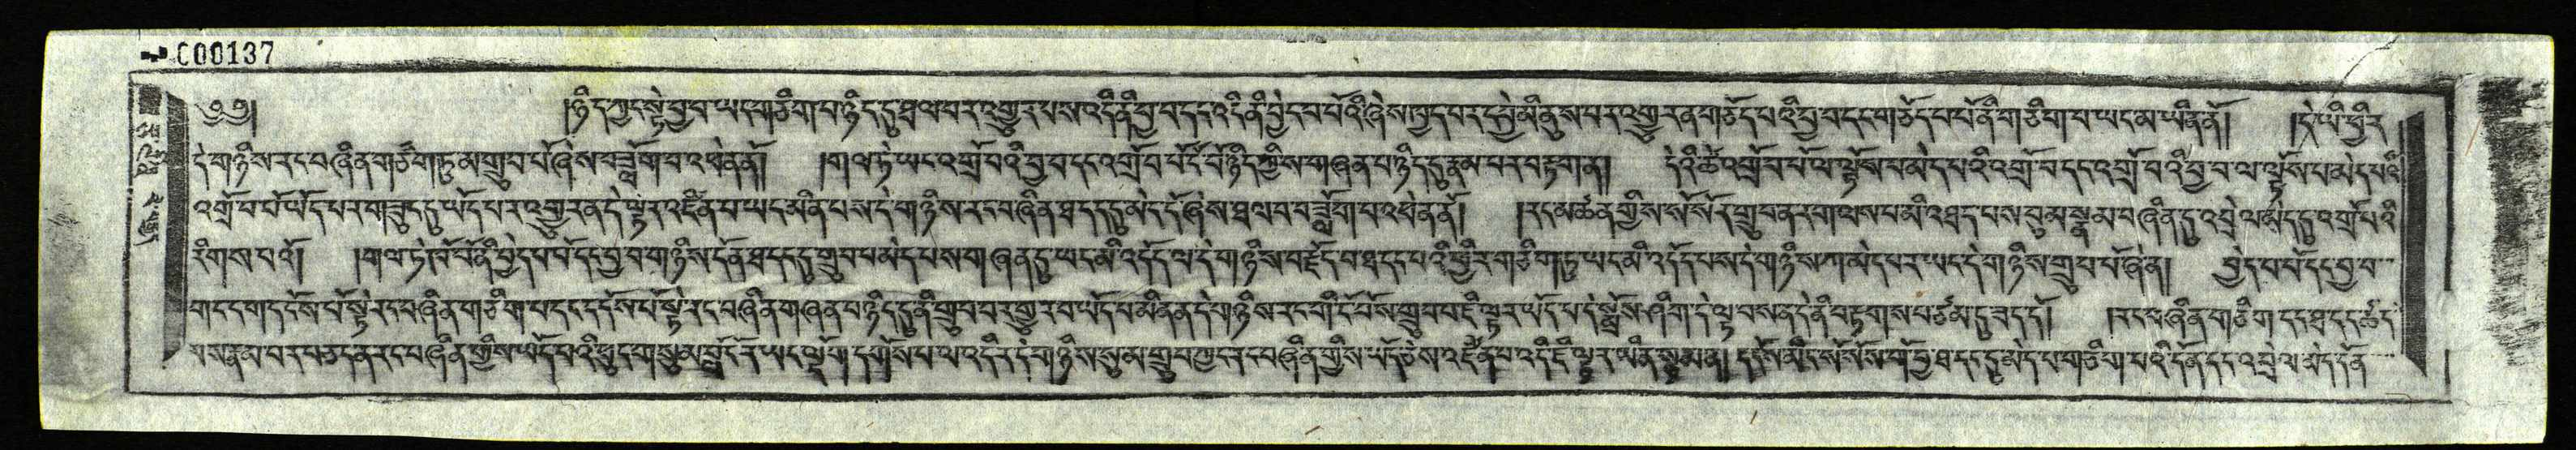༄༅། །ཉིད་ཀྱང་སྟེ་བྱ་བ་ཡང་གཅིག་པ་ཉིད་དུ་ཐལ་བར་འགྱུར་པས་འདི་ནི་བྱ་བ་དང་འདི་ནི་བྱེད་པ་པོའི་ཞེས་ཁྱད་པར་དབྱེ་མི་ནུས་པར་འགྱུར་ན་གཅོད་པའི་བྱ་བ་དང་གཅོད་པ་པོ་ནི་གཅིག་པ་ཡང་མ་ཡིན་ནོ། །དེ་ཡི་ཕྱིར་
དེ་གཉིས་རང་བཞིན་གཅིག་ཏུ་མ་གྲུབ་པོ་ཞེས་བཟློག་པ་འཕེན་ནོ། །གལ་ཏེ་ཡང་འགྲོ་བའི་བྱ་བ་དང་འགྲོ་བ་པོ་ངོ་བོ་ཉིད་ཀྱིས་གཞན་པ་ཉིད་དུ་རྣམ་པར་བརྟག་ན། དེའི་ཚེ་འགྲོ་བ་པོ་ལ་ལྟོས་པ་མེད་པའི་འགྲོ་བ་དང་འགྲོ་བའི་བྱ་བ་ལ་ལྟོས་པ་མེད་པའི་
འགྲོ་བ་པོ་ཡོད་པར་གཟུང་དུ་ཡོད་པར་འགྱུར་ན་དེ་ལྟར་འཛིན་པ་ཡང་མིན་པས་དེ་གཉིས་རང་བཞིན་ཐ་དད་དུ་མེད་དོ་ཞེས་ཐལ་བ་བཟློག་པ་འཕེན་ནོ། །རང་མཚན་གྱིས་སོ་སོར་གྲུབ་ན་རག་ལས་པ་མི་འཐད་པས་བུམ་སྣམ་བཞིན་དུ་འབྲེལ་མེད་དུ་འགྲོ་བའི་
རིགས་པའོ། །གལ་ཏེ་ཁོ་བོ་ནི་བྱེད་པ་པོ་དང་བྱ་བ་གཉིས་དོན་ཐ་དད་དུ་གྲུབ་པ་མེད་པས་གཞན་དུ་ཡང་མི་འདོད་ལ་དེ་གཉིས་བརྗོད་པ་ཐ་དད་པའི་ཕྱིར་གཅིག་ཏུ་ཡང་མི་འདོད་པས་དེ་གཉིས་ཀ་མེད་པར་ཡང་དེ་གཉིས་གྲུབ་པོ་ཞེ་ན། བྱེད་པ་པོ་དང་བྱ་བ་
གང་དག་དངོས་པོ་སྟེ་རང་བཞིན་གཅིག་པ་དང་དངོས་པོ་སྟེ་རང་བཞིན་གཞན་པ་ཉིད་དུ་ནི་གྲུབ་པར་གྱུར་བ་ཡོད་པ་མིན་ན་དེ་གཉིས་རང་གི་ངོ་བོས་གྲུབ་པ་ཇི་ལྟར་ཡོད་པ་དེ་སྨྲོས་ཤིག་དེ་ལྟ་བས་དེ་ནི་བརྟགས་པ་ཙམ་དུ་ཟད་དོ། །རང་བཞིན་གཅིག་དང་ཐ་དད་ཚད་
བས་རྣམ་པར་བཅད་ན་རང་བཞིན་གྱིས་ཡོད་པའི་ཕུང་གསུམ་བློ་ངོར་ཡང་ལྡོག་དགོས་པ་ལ་འདིར་དེ་གཉིས་སུ་མ་གྲུབ་ཀྱང་རང་བཞིན་གྱིས་ཡོད་ཅེས་འཛིན་པ་འདི་ཇི་ལྟར་ཡིན་སྙམ་ན། དངོས་མིང་སོ་སོས་གོ་བྱ་ཐ་དད་དུ་མེད་པ་གཅིག་པའི་དོན་དང་འབྲེལ་མེད་དོན་